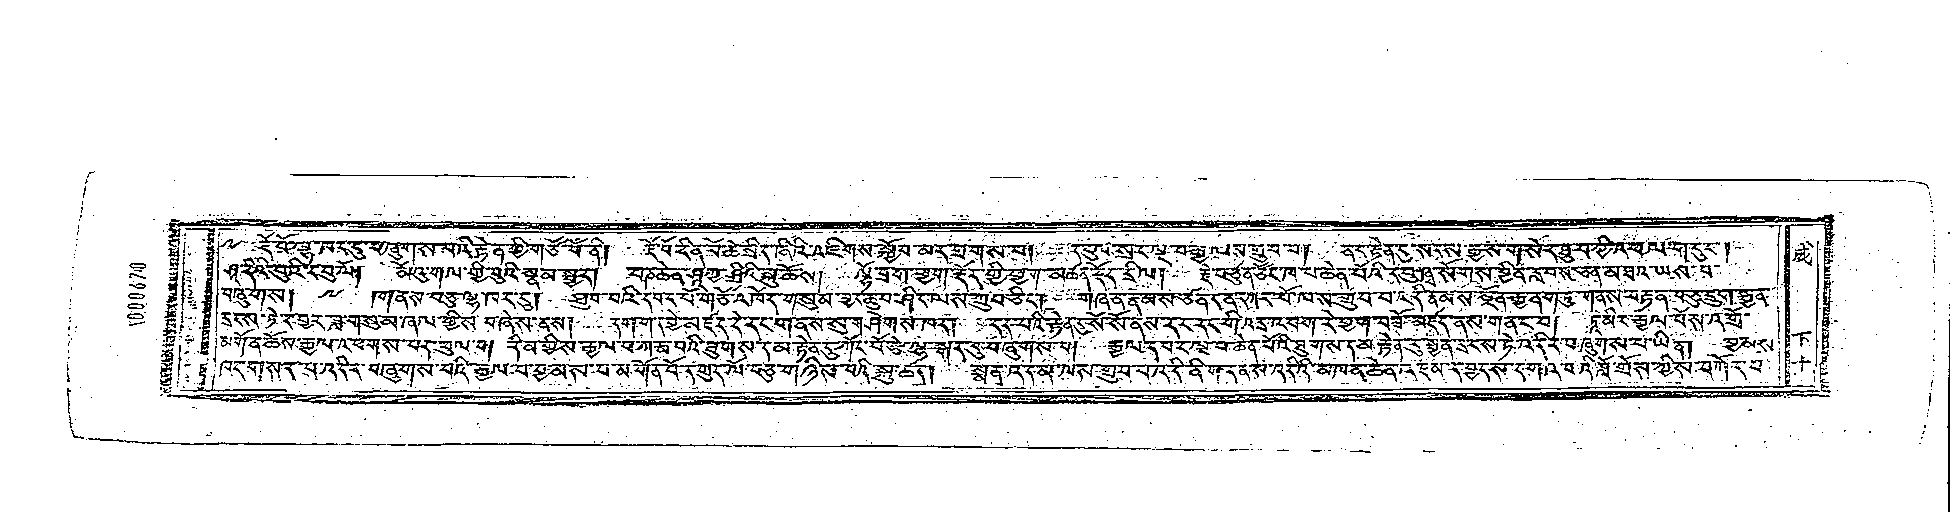༧་ཇོ་བོ་ལྷ་ཁང་དུ་བཞུགས་པའི་རྟེན་གྱི་གཙོ་བོ་ནི། ཇོ་བོ་རིན་པོ་ཆེ་སྲིད་ཞིའི་འཇིགས་སྐྱོབ་མར་གྲགས་བ། དངུལ་སྲང་ལྔ་བརྒྱ་ལས་གྲུབ་པ། ནང་རྟེན་དུ་སངས་རྒྱས་གསེར་ཐུབ་ཀྱི་འཕེལ་གདུང་།
ཤཱ་རིའི་བུའི་དབུ་ལོ། མོའུ་གལ་གྱི་བུའི་སྣམ་སྦྱར། བཎ་ཆེན་ཤཱཀྱ་ཤྲིའི་སྐུ་ཆོས། ལྷོ་བྲག་ཕྱག་རྡོར་གྱི་ཕྱག་མཚན་རྡོར་དྲིལ། རྗེ་བཙུན་ཙོང་ཁ་པ་ཆེན་པོའི་དབུ་ཞྭ་སོགས་བྱིན་རླབས་ཅན་མཐའ་ཡས་པ་
བཞུགས། ༧་།གནས་བཅུ་ལྷ་ཁང་དུ། ཐུབ་པའི་དབང་པོ་གཙོ་འཁོར་གསུམ་བྱང་ཆུབ་ཤིང་ལས་གྲུབ་ཅིང་། གཞན་རྣམས་ཙན་དན་དཀར་པོ་ལས་གྲུབ་པ་འདི་རྣམས་སྔོན་རྒྱ་ནག་ཏུ་གནས་བརྟན་བཅུ་དྲུག་སྤྱན་
དྲངས་ཏེ་དབྱར་ཟླ་གསུམ་ཞལ་གྱིས་བཞེས་ནས། དགག་དབྱེ་མཛད་དེ་དང་གནས་སུ་གཤེགས་ཁར། དད་པའི་རྟེན་དུ་སོ་སོ་ནས་རང་རང་གི་འདྲ་འབག་རེ་ཕྱག་བཟོ་མཛད་ནས་གནང་བ། ཏཱ་མིང་རྒྱལ་པོས་འགྲོ་
མགོན་ཆོས་རྒྱལ་འཕགས་པར་ཕུལ་བ། རིམ་གྱིས་རྒྱལ་བ་ཀརྨ་པའི་ཐུགས་དམ་རྟེན་དུ་ཀོང་བོ་རྩེ་ལྷ་སྒར་དུ་བཞུགས་པ། རྒྱལ་དབང་ལྔ་པ་ཆེན་པོའི་ཐུགས་དམ་རྟེན་དུ་སྤྱན་དྲངས་ཏེ་འདིར་བཞུགས་པ་ཡིན། བྱམས་
ཁང་གསར་པ་འདིར་བཞུགས་པའི་རྒྱལ་བ་བྱམས་པ་མགོན་པོ་དགུད་ལོ་བཅུ་གཉིས་པའི་སྐུ་ཚད། སྨན་འདམ་ལས་གྲུབ་པ་འདི་ནི་གདམས་འདིའི་མཁན་ཆེན་འཇམ་དབྱངས་དགའ་བའི་བློ་གྲོས་ཀྱིས་བཀོད་པ་